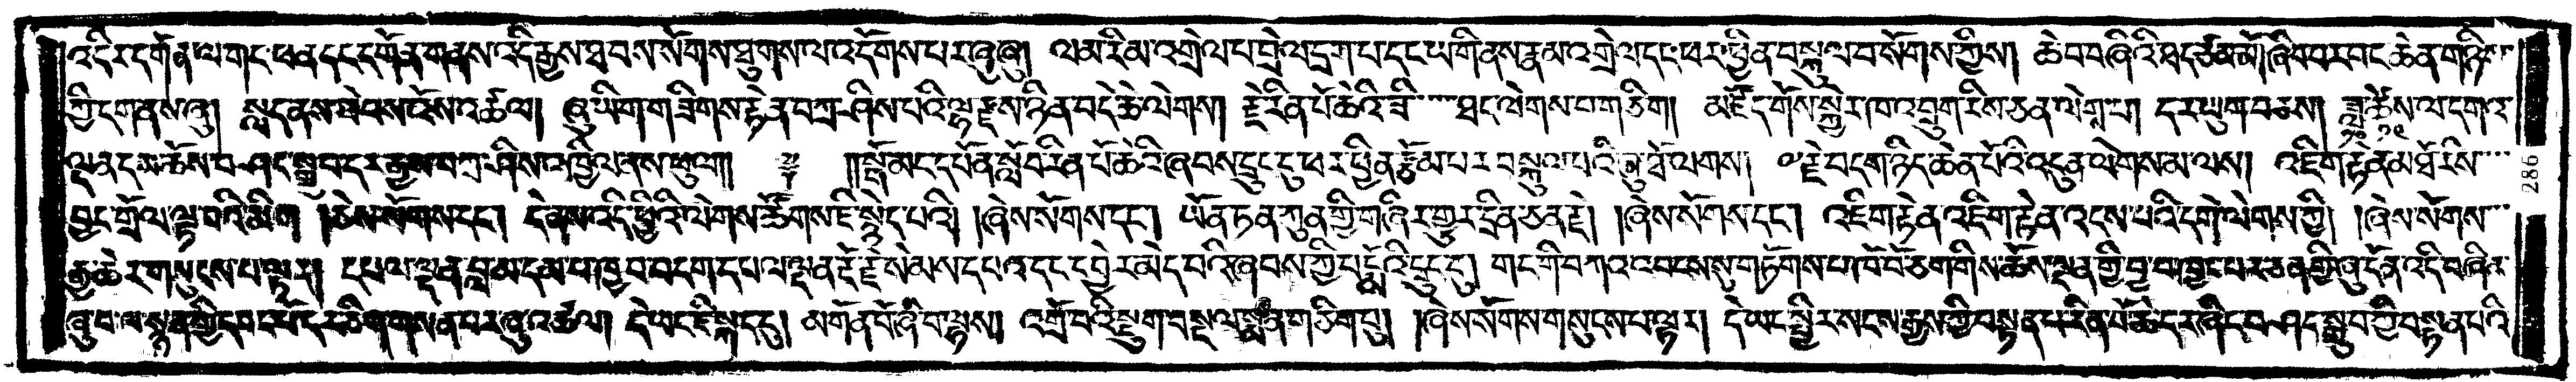འདིར་དགོན་ལ་གང་ཕན་དང་དགོན་གནས་འདི་རྒྱས་ཐབས་སོགས་ཐུགས་ལ་འདོགས་པར་ཞུ་ཞུ། ལམ་རིམ་འགྲེལ་པ་བྲེལ་དྲག་པ་དང་ཡ་གི་ནས་རྣམ་འགྲེལ་དང་ཕར་ཕྱིན་བསྐུལ་བ་སོགས་ཀྱིས། ཆེ་བ་བཞིའི་ཐད་ཙམ་མོ། ཞིབ་བར་བང་ཆེན་གཉིས་
ཀྱི་དག་ནས་ཞུ། སླད་ནས་ཐེབས་འོས་འཚལ། ཞུ་ཡིག་གཟིགས་རྟེན་བཀྲ་ཤིས་པའི་ལྷ་རྫས་ཉིན་བདེ་ཆེ་ལེགས། རྗེ་རིན་པོ་ཆེའི་ཟི་ཐང་ལེགས་བ་གཅིག །མཛོད་དགོས་སྐྱེར་ཁ་འབྲུག་རིས་ཅན་ལེགས་པ། དར་ཡུག་བཅས། ཟླ་ཚེས་ལ་དགའ་
ལྡན་ངས་ཆོས་བཤད་སྒྲུབ་དར་རྒྱས་བཀྲ་ཤིས་འཁྱིལ་ནས་ཕུལ།། ༈ །།སྒོ་མང་དཔོན་སློབ་རིན་པོ་ཆེའི་ཞབས་དྲུང་དུ་ཕར་ཕྱིན་རྩོམ་པར་བསྐུལ་བའི་ཞུ་ཐོ་ལགས ༧་རྗེ་བདག་ཉིད་ཆེན་པོའི་བདུན་ལེགས་མ་ལས། འཇིག་རྟེན་མཐོ་རིས་
བྱང་གྲོལ་ལྟ་བའི་མིག །ཅེས་སོགས་དང་། དེ་ནས་འདི་ཕྱིའི་ལེགས་ཚོགས་ཇི་སྙེད་པའི། །ཞེས་སོགས་དང་། ཡོན་ཏན་ཀུན་གྱི་གཞིར་གྱུར་དྲིན་ཅན་རྗེ། །ཞེས་སོགས་དང་། འཇིག་རྟེན་འཇིག་རྟེན་འདས་པའི་དགེ་ལེགས་ཀྱི། །ཞེས་སོགས་
རྒྱ་ཆེར་གསུངས་པ་ལྟར། དཔལ་ལྡན་བླ་མ་དམ་པ་ཁྱབ་བདག་དཔལ་ལྡན་རྡོ་རྗེ་སེམས་དཔའ་དང་དབྱེར་མེད་པའི་ཞབས་ཀྱི་པདམོའི་དྲུང་དུ། གང་གི་བཀའ་འབངས་སུ་གཏོགས་པ་ཁོ་བོ་ཅག་གིས་ཆོས་ལྡན་གྱི་བྱ་བ་ཁྱང་བར་ཅན་གྱི་ཞུ་དོན་འདི་བཞིན་
ཞུ་བ་ལ་སྙན་གྱི་དབང་པོ་དར་ཅིག་གསན་བར་ཞུ་འཚལ། དེ་ཡང་ཇི་སྐད་དུ། མགོན་པོ་ཞི་བ་ལྷས། འགྲོ་བའི་སྡུག་བསྔལ་སྨན་ཅིག་བུ། །ཞེས་སོགས་གསུངས་པ་ལྟར། དེ་ཡང་སྤྱིར་སངས་རྒྱས་ཀྱི་བསྟན་པ་རིན་པོ་ཆེ་དར་ཞིང་བཤད་སྒྲུབ་ཀྱི་བསྟན་པའི་